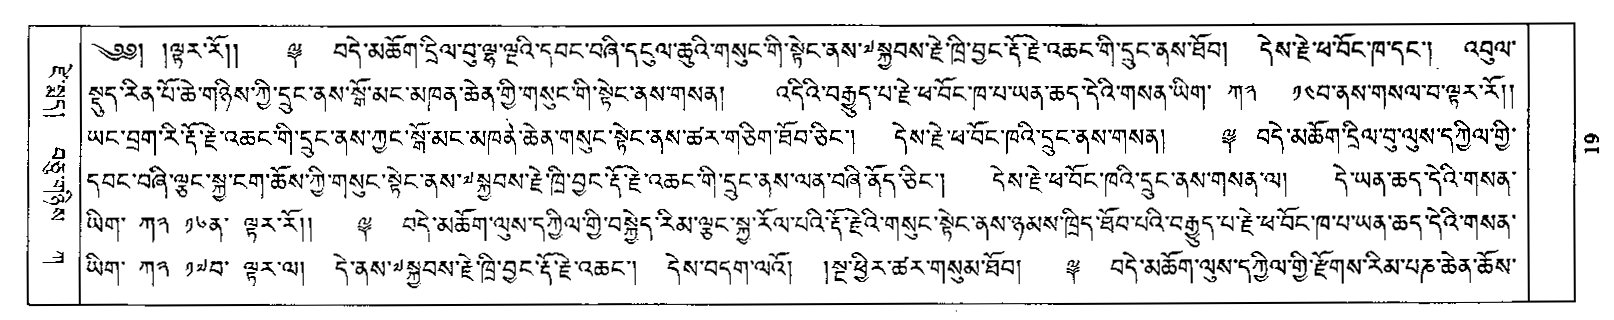༄༅། །ལྟར་རོ།། ༈ བདེ་མཆོག་དྲིལ་བུ་ལྷ་ལྔའི་དབང་བཞི་དངུལ་ཆུའི་གསུང་གི་སྟེང་ནས་༧་སྐྱབས་རྗེ་ཁྲི་བྱང་རྡོ་རྗེ་འཆང་གི་དྲུང་ནས་ཐོབ། དེས་རྗེ་ཕ་བོང་ཁ་དང་། འབུལ་
སྡུད་རིན་པོ་ཆེ་གཉིས་ཀྱི་དྲུང་ནས་སྒོ་མང་མཁན་ཆེན་གྱི་གསུང་གི་སྟེང་ནས་གསན། འདིའི་བརྒྱུད་པ་རྗེ་ཕ་བོང་ཁ་པ་ཡན་ཆད་དེའི་གསན་ཡིག་ཀ ༢ ༡༤་བ་ནས་གསལ་བ་ལྟར་རོ། །
ཡང་བྲག་རི་རྡོ་རྗེ་འཆང་གི་དྲུང་ནས་ཀྱང་སྒོ་མང་མཁན་ཆེན་གསུང་སྟེང་ནས་ཚར་གཅིག་ཐོབ་ཅིང་། དེས་རྗེ་ཕ་བོང་ཁའི་དྲུང་ནས་གསན། ༈ བདེ་མཆོག་དྲིལ་བུ་ལུས་དཀྱིལ་གྱི་
དབང་བཞི་ལྕང་སྐྱ་ངག་ཆོས་ཀྱི་གསུང་སྟེང་ནས་༧་སྐྱབས་རྗེ་ཁྲི་བྱང་རྡོ་རྗེ་འཆང་གི་དྲུང་ནས་ལན་བཞི་ནོད་ཅིང་། དེས་རྗེ་ཕ་བོང་ཁའི་དྲུང་ནས་གསན་ལ། དེ་ཡན་ཆད་དེའི་གསན་
ཡིག་ཀ ༢ ༡༦་ན་ལྟར་རོ།། ༈ བདེ་མཆོག་ལུས་དཀྱིལ་གྱི་བསྐྱེད་རིམ་ལྕང་སྐྱ་རོལ་པའི་རྡོ་རྗེའི་གསུང་སྟེང་ནས་ཉམས་ཁྲིད་ཐོབ་པའི་བརྒྱུད་པ་རྗེ་ཕ་བོང་ཁ་པ་ཡན་ཆད་དེའི་གསན་
ཡིག་ཀ ༢ ༡༧་བ་ལྟར་ལ། དེ་ནས་༧་སྐྱབས་རྗེ་ཁྲི་བྱང་རྡོ་རྗེ་འཆང་། དེས་བདག་ལའོ། །སྔ་ཕྱིར་ཚར་གསུམ་ཐོབ། ༈ བདེ་མཆོག་ལུས་དཀྱིལ་གྱི་རྫོགས་རིམ་པཎ་ཆེན་ཆོས་